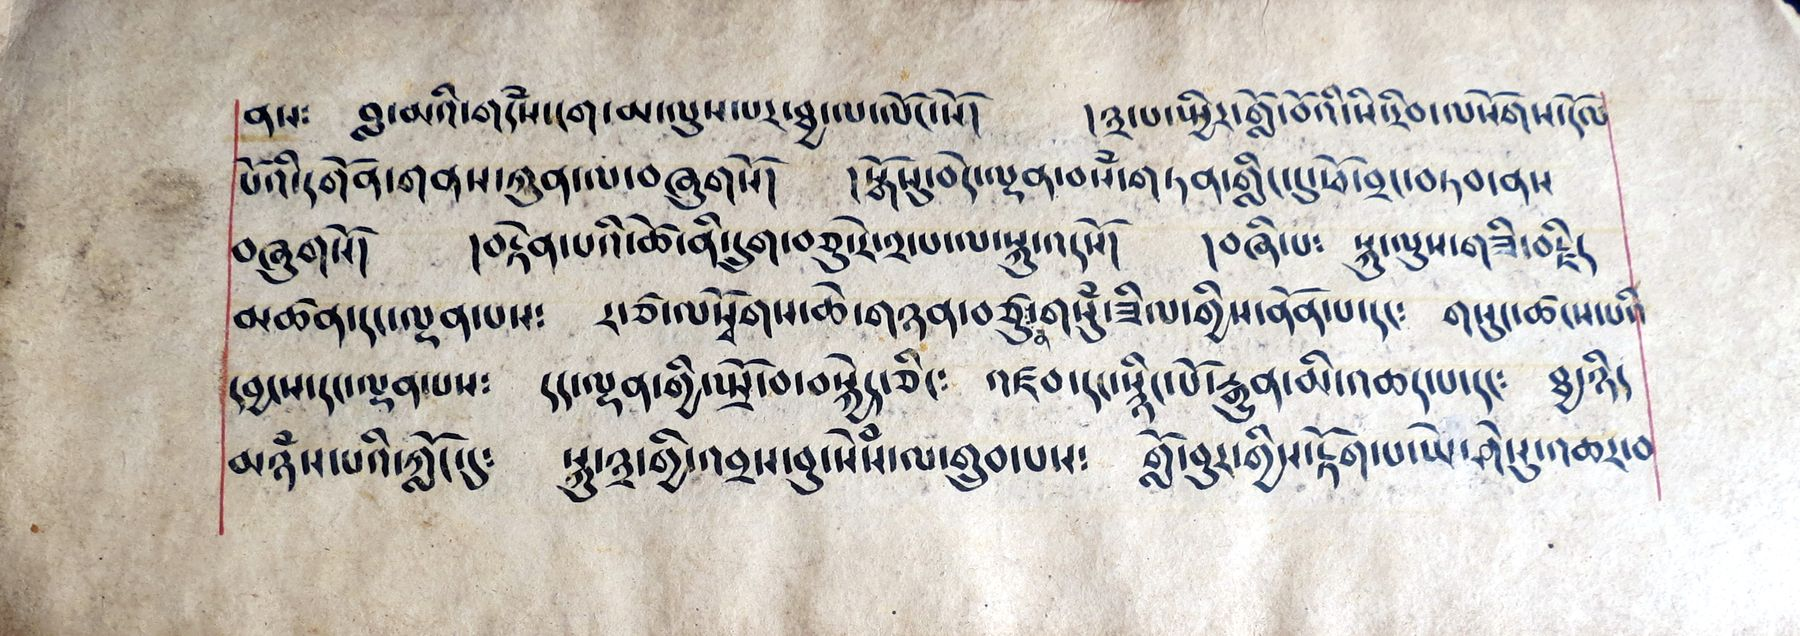པས། བླ་མའི་གདམས་ངག་མ་ལུས་པ་ཐུགས་ལ་ལོང་སོ༼ལོན་ནོ༽། །གསུམ་པ་སྤྱིར་གློ་བོ་སི་རིབ་ལས་སོགས། དོལ་
པོའི་དགོན་གནས་ཀུན་ལ་བཞུགས་སོ། །སྒོས་སུ་བདེ་ལྡན་བསམ་གླིང་དུ་ཕོ་བྲང་བཏབ་ནས་
བཞུགས་སོ། །བརྟེན་པའི་ཚེ་ནི་དྲུག་ཅུ་རེ་གཉིས་པ་ལ་སྐུ་འདས་སོ། །བཞི་པ་སྐུ་ལུས་གཟི་བརྗིད་
མཚན་དང་ལྡན་པས། ར་ཙ་ལས་སོགས་ཆེ་གཉན་བཙུན་གསུམ་ཟིལ་གྱིས་གནོན་པ་དང་། གསུང་ཚངས་པའི་
དབྱངས་དང་ལྡན་པས། དད་ལྡན་གྱི་སྤྲོ་བ་བསྐྱེད་ཅིང་འཛབ་དང་སྙིང་པོ་རྒྱུན་མི་འཆད་པ་དང་། ཐུགས་ཉིད་
མཉམ་པའི་ཀློང་དུ་སྐུ་གསུམ་འབྲས་བུ་སེམས་ལ་གྲུབ་པས། གློ་བུར་གྱི་རྟོག་པ་ཡེ་ཤེས་སུ་འཆར་བ་